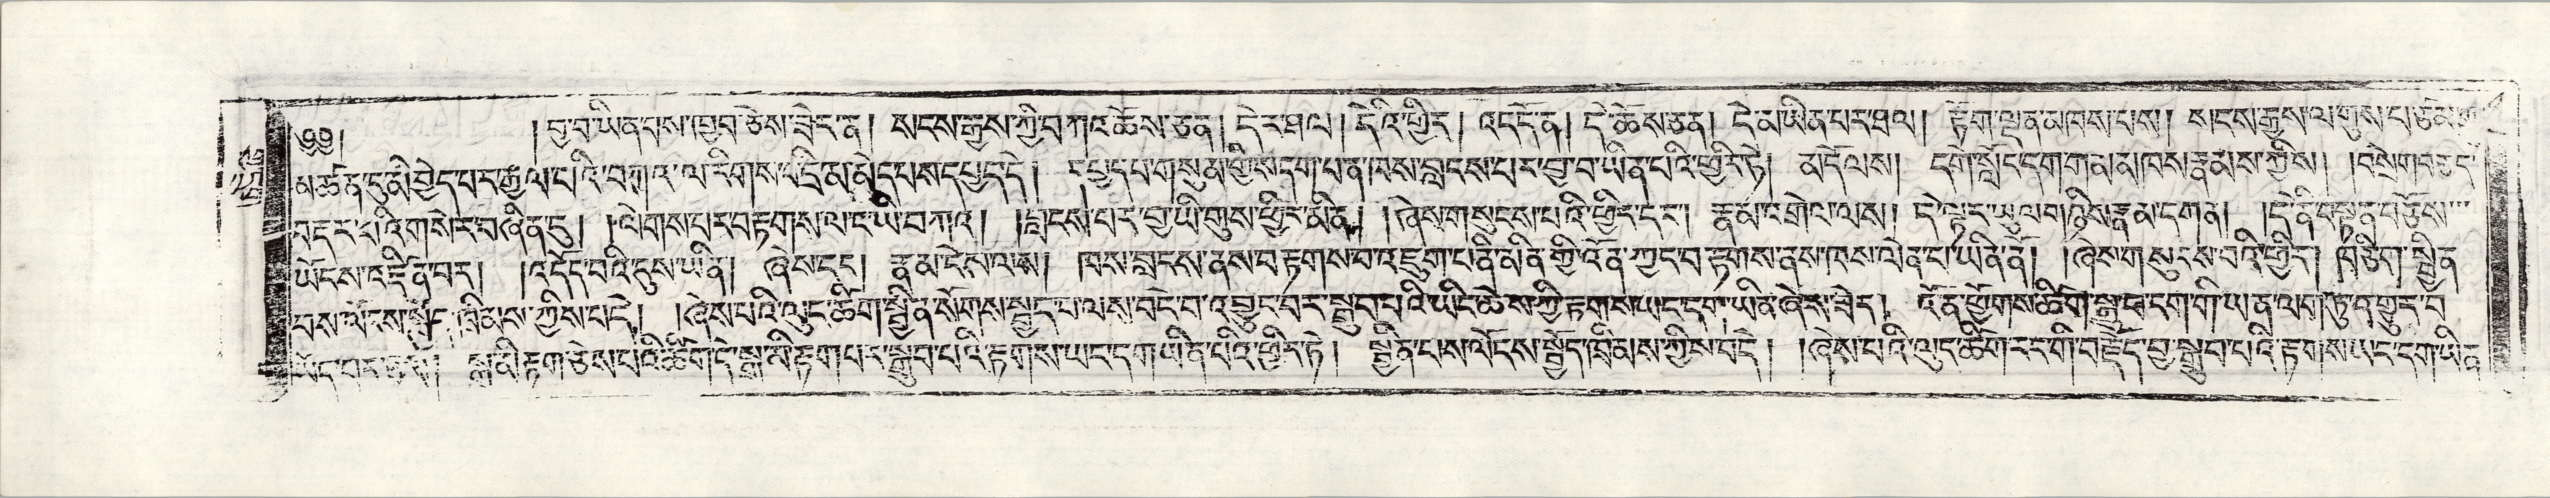༄༅། །བྱ་བ་ཡིན་པས་ཁྱབ་ཅེས་ཟེར་ན། སངས་རྒྱས་ཀྱི་བཀའ་ཆོས་ཅན། དེར་ཐལ། དེའི་ཕྱིར། འདོད་ན། དེ་ཆོས་ཅན། དེ་མ་ཡིན་པར་ཐལ། རྟོག་ལྡན་མཁས་པས། སངས་རྒྱས་ལ་གུས་པ་ཙམ་རྒྱུ་
མཚན་དུ་མི་བྱེད་པར་རྒྱལ་བའི་བཀའ་ལ་རིགས་པ་དྲི་མ་མེད་པས་དཔྱད་དེ། དཔྱད་པ་གསུམ་གྱིས་དག་པ་ན་ཁས་བླངས་པར་བྱ་བ་ཡིན་པའི་ཕྱིར་ཏེ། མདོ་ལས། དགེ་སློང་དག་གམ་མཁས་རྣམས་ཀྱིས། །བསྲེགས་བཅད་
བརྡར་པའི་གསེར་བཞིན་དུ། །ལེགས་པར་བརྟགས་ལ་ང་ཡི་བཀའ། །བླངས་པར་བྱ་ཡི་གུས་ཕྱིར་མིན། །ཞེས་གསུངས་པའི་ཕྱིར་དང་། རྣམ་འགྲེལ་ལས། དེ་ལྟར་ཡུལ་གཉིས་རྣམ་དག་ན། །དེ་ནི་བསྟན་བཅོས་
ཡོངས་འཛིན་པར། །འདོད་པའི་དུས་ཡིན། ཞེས་དང་། རྣམ་ངེས་ལས། ཁས་བླངས་ནས་བརྟགས་པ་འཇུག་པ་ནི་མིན་གྱི་འོན་ཀྱང་བརྟགས་ནས་ཁས་ལེན་པ་ཡིན་ནོ། །ཞེས་གསུངས་པའི་ཕྱིར། ཁ་ཅིག །སྦྱིན་
པས་ལོངས་སྤྱོད་ཁྲིམས་ཀྱིས་བདེ། །ཞེས་པའི་ལུང་ཚིག་སྦྱིན་སོགས་སྤྱད་པ་ལས་བདེ་བ་འབྱུང་བར་སྒྲུབ་པའི་ཡིད་ཆེས་ཀྱི་རྟགས་ཡང་དག་ཡིན་ཞེས་ཟེར། འོ་ན་ཕྱོགས་ཚིག་སྒྲུབ་ངག་གི་ཡན་ལག་ཏུ་འགྱུར་བ་
ཡོད་པར་ཐལ། སྒྲ་མི་རྟག་ཅེས་པའི་ཚིག་དེ་སྒྲ་མི་རྟག་པར་སྒྲུབ་པའི་རྟགས་ཡང་དག་ཡིན་པའི་ཕྱིར་ཏེ། སྦྱིན་པས་ལོངས་སྤྱོད་ཁྲིམས་ཀྱིས་བདེ། །ཞེས་པའི་ལུང་ཚིག་རང་གི་བརྗོད་བྱ་སྒྲུབ་པའི་རྟགས་ཡང་དག་ཡིན་